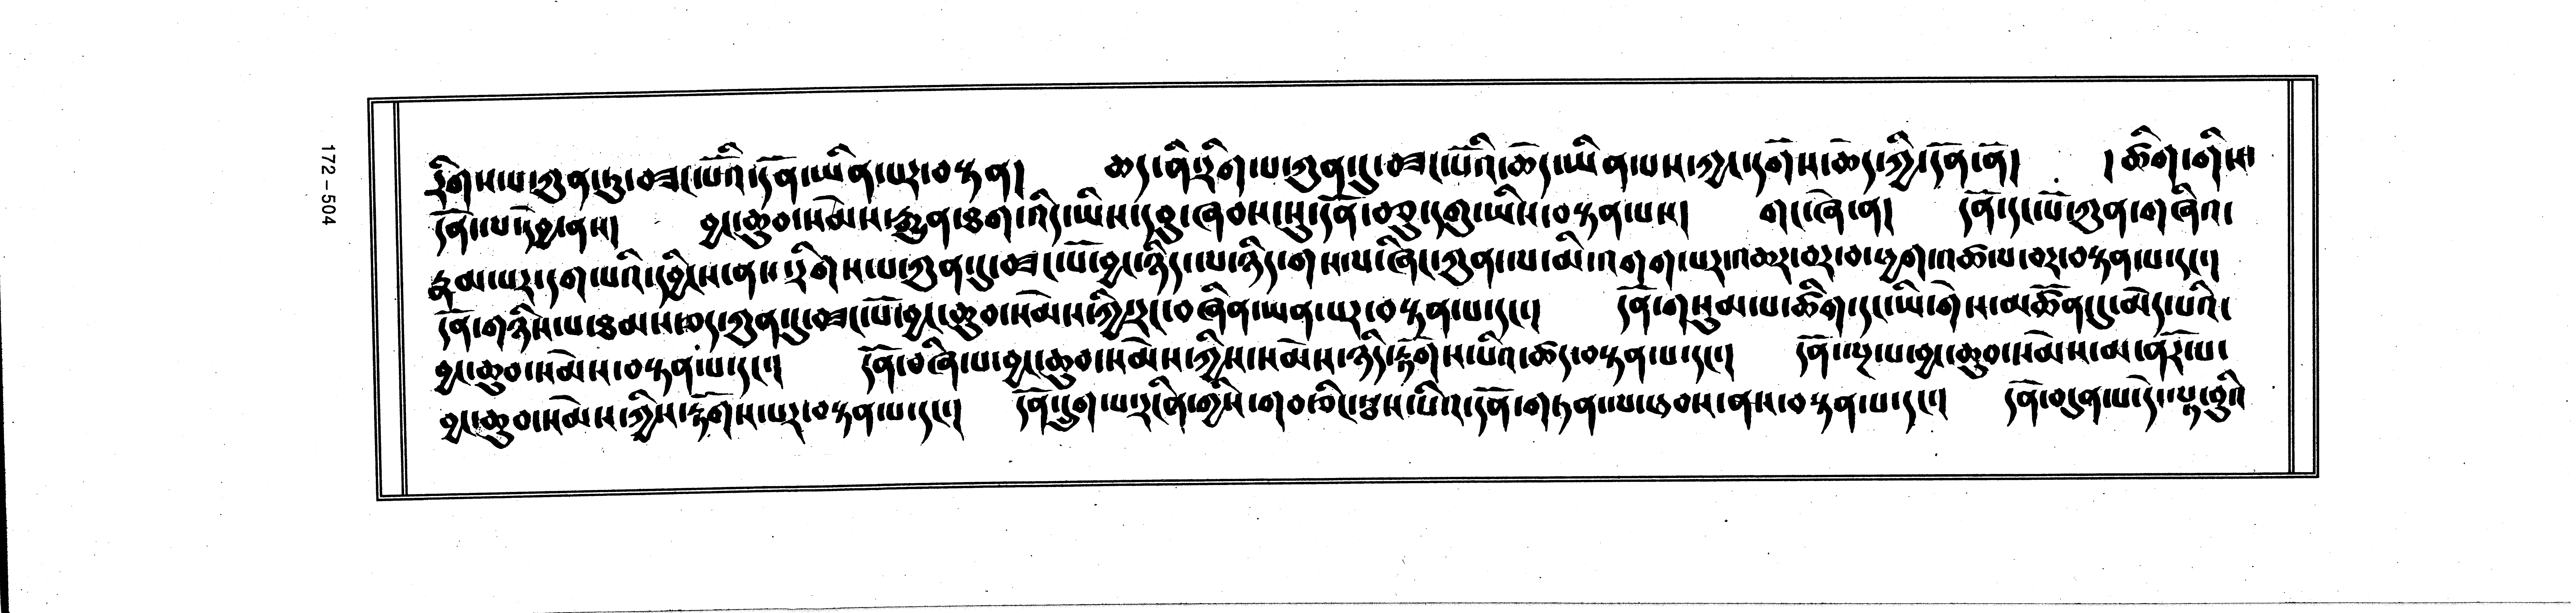རིག་པ་ཀུན་ཏུ་བཟང་པོའི་དོན་ཡིན་པར་བསྟན། ཆེད་ནི་རིག་པ་ཀུན་ཏུ་བཟང་པོའི་ཆེད་ཡིན་པས་ཀྱང་དགོས་ཆེད་ཀྱི་དོན་ནོ། ཚིག་གིས་
དོན་ལ་དབྱེ་ནས། བྱང་ཆུབ་སེམས་རྒྱུན་ཐག་འདི་ཡིས་དབུ་ཞབས་སུ་དོན་བཅུ་དགུ་ཡིས་བསྟན་པས། གང་ཞེ་ན། དོན་དང་པོ་ཀུན་གཞིའ་
རྣམ་པར་དག་པའི་དབྱིངས་ནས་རིག་པ་ཀུན་ཏུ་བཟང་པོ་བྱང་ཆུབ་ཉིད་ལ་ཉིད་གསལ་ཞིང་ཀུན་ལ་མི་འགག་པར་འཆར་བ་ཕྱག་འཚལ་བར་བསྟན་པ་དང་། 
དོན་གཉིས་པ་ཐམས་ཅད་ཀུན་ཏུ་བཟང་པོ་བྱང་ཆུབ་སེམས་ཀྱི་རང་བཞིན་ཡིན་པར་བསྟན་པ་དང་། དོན་གསུམ་པ་ཚིག་དང་ཡི་གེས་མཚོན་དུ་མེད་པའི་
བྱང་ཆུབ་སེམས་བསྟན་པ་དང་། དོན་བཞི་པ་བྱང་ཆུབ་སེམས་ཀྱིས་སེམས་ཉིད་རྟོགས་པའི་ཚད་བསྟན་པ་དང་། དོན་ལྔ་པ་བྱང་ཆུབ་སེམས་མ་ནོར་པ་
བྱང་ཆུབ་སེམས་ཀྱིས་རྟོགས་པར་བསྟན་པ་དང་། དོན་དྲུག་པ་རང་བཞིན་གྱིས་གབ་ཅིང་སྦས་པའི་དོན་གཏན་ལ་ཕབས་ནས་བསྟན་པ་དང་། དོན་བདུན་པ་དེ་ལྟ་བུའི་